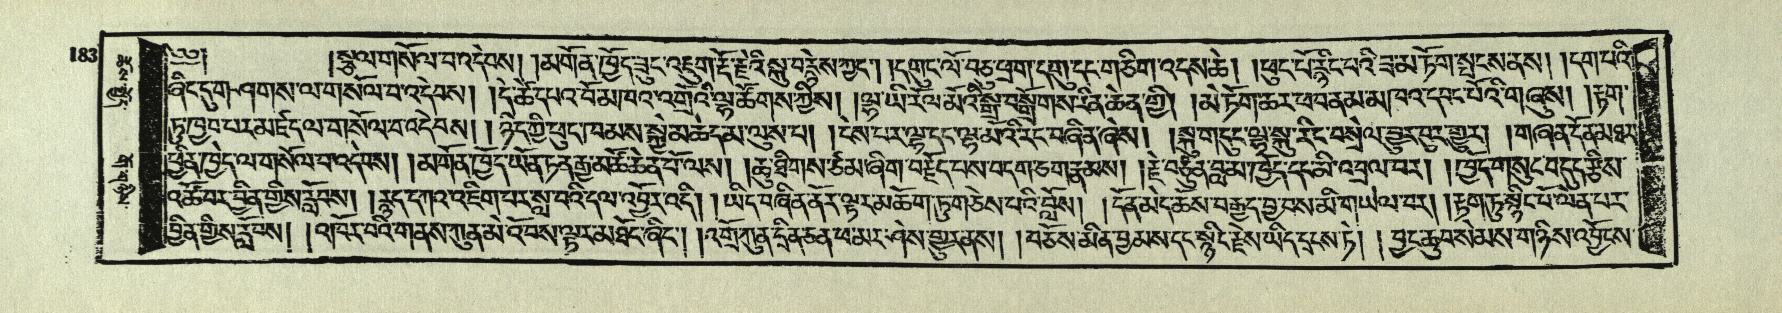༄༅། །སྩལ་གསོལ་བ་འདེབས། །མགོན་ཁྱོད་ཟུང་འཇུག་རྡོ་རྗེའི་སྐུ་བརྙེས་ཀྱང་། །དགུང་ལོ་བཅུ་ཕྲག་དགུ་དང་གཅིག་འདས་ཆེ། །ཕུང་པོ་རྙིང་པའི་ཟ་མ་ཏོག་སྤངས་ནས། །དག་པའི་
ཞིང་དུ་གཤགས་ལ་གསོལ་བ་འདེབས། །དེ་ཚེ་དཔའ་བོ་མཁའ་འགྲོའི་ལྷ་ཚོགས་ཀྱིས། །ལྷ་ཡི་རོལ་མོའི་སྒྲ་བསྒྲོགས་རིན་ཆེན་གྱི། །མེ་ཏོག་ཆར་ཕབ་ནམ་མཁའ་དབང་པོའི་གཞུས། །རྟག་
ཏུ་ཁྱབ་པར་མཛད་ལ་གསོལ་བ་འདེབས། །ཉིད་ཀྱི་ཕུང་ཁམས་སྐྱེ་མཆེད་མ་ལུས་པ། །ངེས་པར་ལྷ་དང་ལྷ་མོའི་རང་བཞིན་ཞེས། །སྐུ་གདུང་ལྷ་སྐུ་རིང་བསྲེལ་བྱུར་བུར་གྱུར། །གཞན་དོན་མཐར་
ཕྱིན་ཁྱེད་ལ་གསོལ་བ་འདེབས། །མགོན་ཁྱོད་ཡོན་ཏན་རྒྱ་མཚོ་ཆེན་པོ་ལས། །ཆུ་ཐིགས་ཙམ་ཞིག་བརྗོད་པས་བདག་ཅག་རྣམས། །རྗེ་བཙུན་བླ་མ་ཁྱོད་དང་མི་འབྲལ་བར། །ཁྱོད་གསུང་བདུད་རྩིས་
འཚོ་བར་བྱིན་གྱིས་རློབས། །རྙད་དཀའ་འཇིག་པར་སླ་བའི་དལ་འབྱོར་འདི། །ཡིད་བཞིན་ནོར་ལྟར་མཆོག་ཏུ་གཅེས་པའི་བློས། །དོན་མེད་ཆོས་བརྒྱད་བྱ་བས་མི་གཡེལ་བར། །རྟག་ཏུ་སྙིང་པོ་ལེན་པར་
བྱིན་གྱིས་རློབས། །འཁོར་བའི་གནས་ཀུན་མེ་འོ་བས་ལྟར་མཐོང་ཞིང་། །འགྲོ་ཀུན་དྲིན་ཅན་ཕ་མར་ཤེས་གྱུར་ནས། །བཅོས་མིན་བྱམས་དང་སྙིང་རྗེས་ཡིད་དྲངས་ཏེ། །བྱང་ཆུབ་སེམས་གཉིས་འབྱོངས་